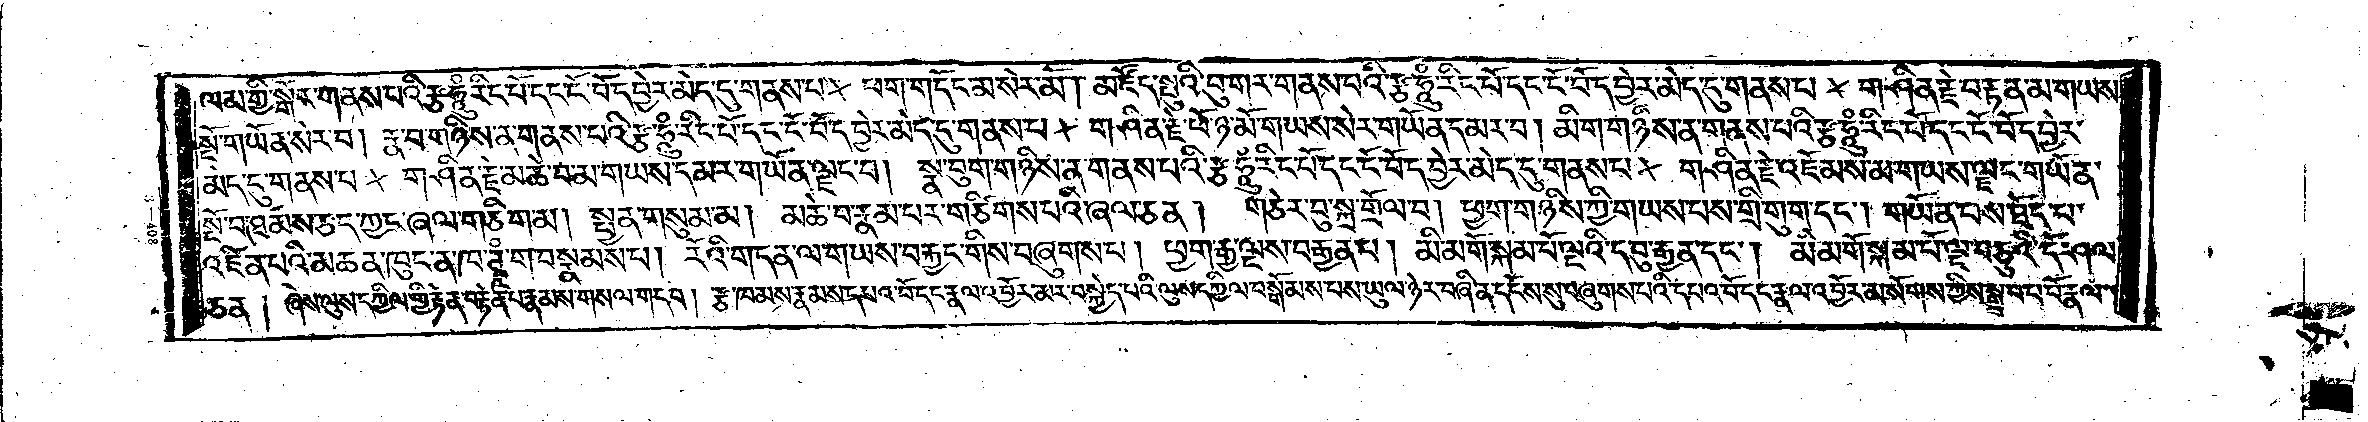ཡམ་གྱི་སྒོར་གནས་པའི་རྩ་ཧཱུཾ་རིང་པོ་དང་ངོ་དབྱེར་མེད་དུ་གནས་པ་྾་ཕག་གདོང་མ་སེར་མོ། མཛོད་སྤུའི་བུ་གར་གནས་པའི་རྩ་ཧཱུཾ་རིང་པོ་དང་ངོ་བོ་དབྱེར་མེད་དུ་གནས་པ྾་གཤིན་རྗེ་བརྟན་མ་གཡས་
སྲོ་གཡོན་སེར་བ། རྣ་བ་གཉིས་ན་གནས་པའི་རྩ་ཧཱུཾ་རིང་པོ་དང་ངོ་བོ་དབྱེར་མེད་དུ་གནས་པ་྾་གཤིན་རྗེ་ཕོ་ཉ་མོ་གཡས་སེར་གཡོན་དམར་བ། མིག་གཉིས་ན་གནས་པའི་རྩ་ཧཱུཾ་རིང་པོ་དང་ངོ་བོ་དབྱེར་
མེད་དུ་གནས་པ་྾་གཤིན་རྗེ་མཆེ་བ་མ་གཡས་དམར་གཡོན་ལྗང་བ། སྣ་བུག་གཉིས་ན་གནས་པའི་རྩ་ཧཱུཾ་རིང་པོ་དང་ངོ་བོ་དབྱེར་མེད་དུ་གནས་པ་྾་གཤིན་རྗེ་འཇོམས་མ་གཡས་ལྗང་གཡོན་
སྔོ་བ༑ ཐམས་ཅད་ཀྱང་ཞལ་གཅིག་མ། སྤྱན་གསུམ་མ། མཆེ་བ་རྣམ་པར་གཙིགས་པའི་ཞལ་ཅན་།གཅེར་བུ་སྐྲ་གྲོལ་བ། ཕྱག་གཉིས་ཀྱི་གཡས་པས་གྲི་གུག་དང་། གཡོན་པས་ཐོད་པ་
འཛིན་པའི་མཆན་ཁུང་ན་ཁ་ཊྭཱཾ་ག་བསྣམས་པ། རོའི་གདན་ལ་གཡས་བརྐྱང་གིས་བཞུགས་པ། ཕྱག་རྒྱ་ལྔས་བརྒྱན་པ། མི་མགོ་སྐམ་པོ་ལྔའི་དབུ་རྒྱན་དང་། མི་མགོ་སྐམ་པོ་ལྔ་བཅུའི་དོ་ཤལ་
ཅན། ཞེས་ལུས་དཀྱིལ་གྱི་རྟེན་བརྟེན་པ་རྣམས་གསལ་གདབ། རྩ་ཁམས་རྣམས་དཔའ་བོ་དང་རྣལ་འབྱོར་མར་བསྐྱེད་པའི་ལུས་དཀྱིལ་བསྒོམས་པས་ཡུལ་ཉེར་བཞིན་དངོས་སུ་བཞུགས་པའི་དཔའ་མོ་དང་རྣལ་འབྱོར་མ་སོགས་ཀྱིས་སྒྲུབ་པ་པོ་རྣལ་